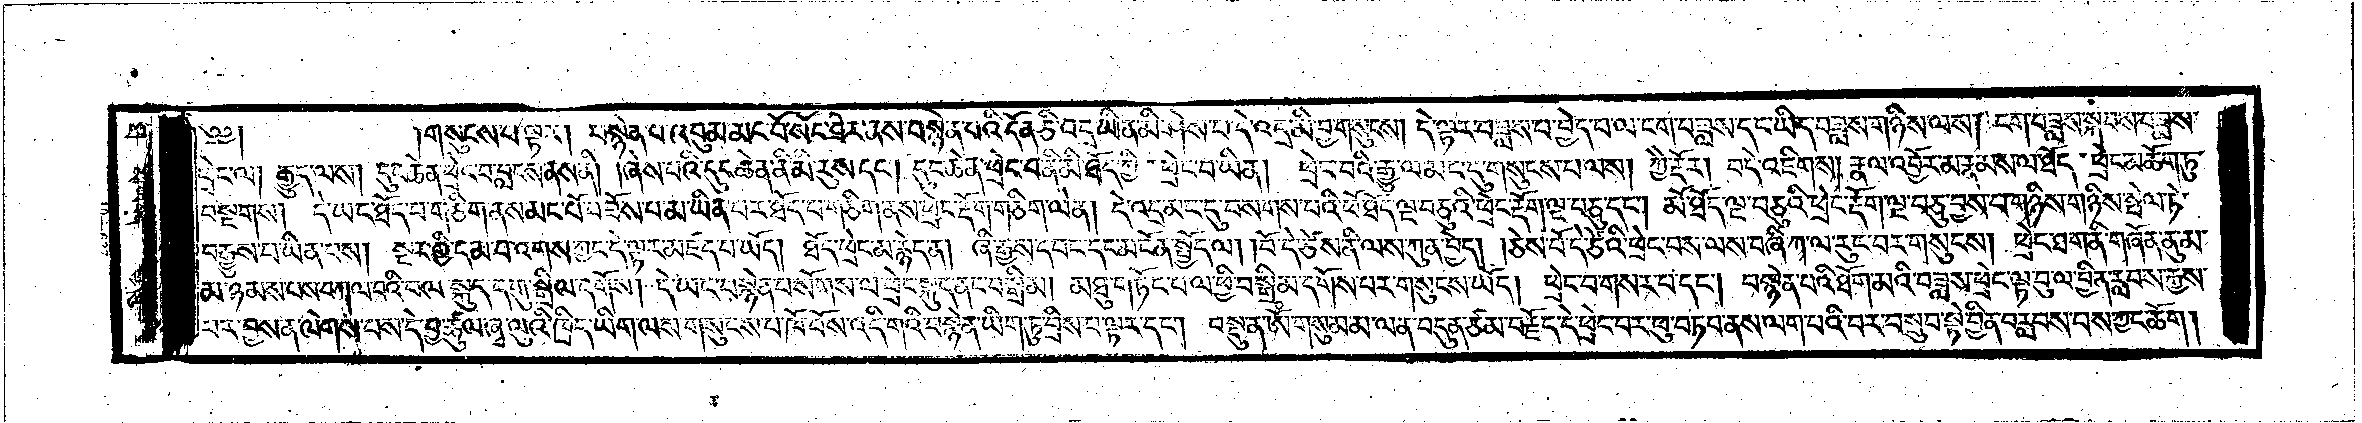༄༅། །གསུངས་པ་ལྟར། བསྙེན་པ་འབུམ་མང་པོ་སོང་ཟེར་ནས་བསྙེན་པའི་དོན་ཅི་འདྲ་ཡིན་མི་ཤེས་པ་དེ་འདྲ་མི་བྱ་གསུངས། དེ་ལྟར་བཟླས་པ་བྱེད་པ་ལ་ངག་བཟླས་དང་ཡིད་བཟླས་གཉིས་ལ། །ངག་བཟླས་སྐབས་བཟླས་
ཕྲེང་ལ། རྒྱུད་ལས། དུང་ཆེན་ཕྲེང་བ་བླངས་ནས་ནི། །ཞེས་པའི་དུང་ཆེན་ནི་མི་རུས་དང་། དུད་ཆེན་ཕྲེང་བ་ནི་མི་ཐོད་ཀྱི་ཕྲེང་བ་ཡིན། ཕྲེང་བའི་རྒྱུ་ལ་མང་དུ་གསུངས་པ་ལས། ཀྱཻ་རྡོར། བདེ་འཇིགས། རྣལ་འབྱོར་མ་རྣམས་ལ་ཐོད་ཕྲེང་མཆོག་ཏུ་
བསྔགས། དེ་ཡང་ཐོད་བ་གཅིག་ནས་མང་པོ་བཟོས་པ་མ་ཡིན་པར་ཐོད་པ་གཅིག་ནས་ཕྲེང་རྡོག་གཅིག་ལེན། དེ་འདྲ་མང་དུ་བསགས་པའི་ཕོ་ཐོད་ལྔ་བཅུའི་ཕྲེང་རྡོག་ལྔ་བཅུ་དང་། མོ་ཐོད་ལྔ་བཅུའི་ཕྲེང་རྡོག་ལྔ་བཅུ་བྱས་པ་གཉིས་གཉིས་སྤེལ་ཏེ་
བརྒྱུས་པ་ཡིན་པས། སྔར་གྱི་དམ་པ་འགས་ཀྱང་དེ་ལྟར་མཛད་པ་ཡོད། ཐོད་པྲེང་མ་རྙེད་ན། ཞི་རྒྱས་དབང་དང་མངོན་སྤྱོད་ལ། །བོ་དེ་ཙེས་ནི་ལས་ཀུན་བྱེད། །ཅེས་བོ་དེ་ཙེའི་ཕྲེང་བས་ལས་བཞི་ཀ་ལ་རུང་བར་གསུངས། ཕྲེང་ཐག་ནི་གཞོན་ནུ་མ་
མ་ཉམས་པས་བཀལ་བའི་བལ་སྐུད་དགུ་སྒྲིལ་དགོས། དེ་ཡང་བསྙེན་པ་སོགས་ལ་ཕྲེང་སྐུད་ནང་བསྒྲིམ། མཐུ་གཏོང་བ་ལ་ཕྱི་བསྒྲིམ་དགོས་པར་གསུངས་ཡོད། ཕྲེང་བ་གསར་པ་དང་། བསྙེན་པའི་ཐོག་མའི་བཟླས་ཕྲེང་ལྟ་བུ་ལ་བྱིན་རླབས་རྒྱས་
བར་བྱས་ན་ལེགས་པས་དེ་བྱ་ཚུལ་ཞྭ་ལུའི་ཁྲིད་ཡིག་ལས་གསུངས་པ་ཁོ་བོས་འདི་གའི་བསྙེན་ཡིག་ཏུ་བྲིས་པ་ལྟར་དང་། བསྡུ་ན་ཨོཾ་གསུམ་མ་ལན་བདུན་ཙམ་བརྗོད་དེ་ཕྲེང་བར་ཕུ་བཏབ་ནས་ལག་པའི་བར་བསྲུབ་སྟེ་བྱིན་བརླབས་པས་ཀྱང་ཆོག །